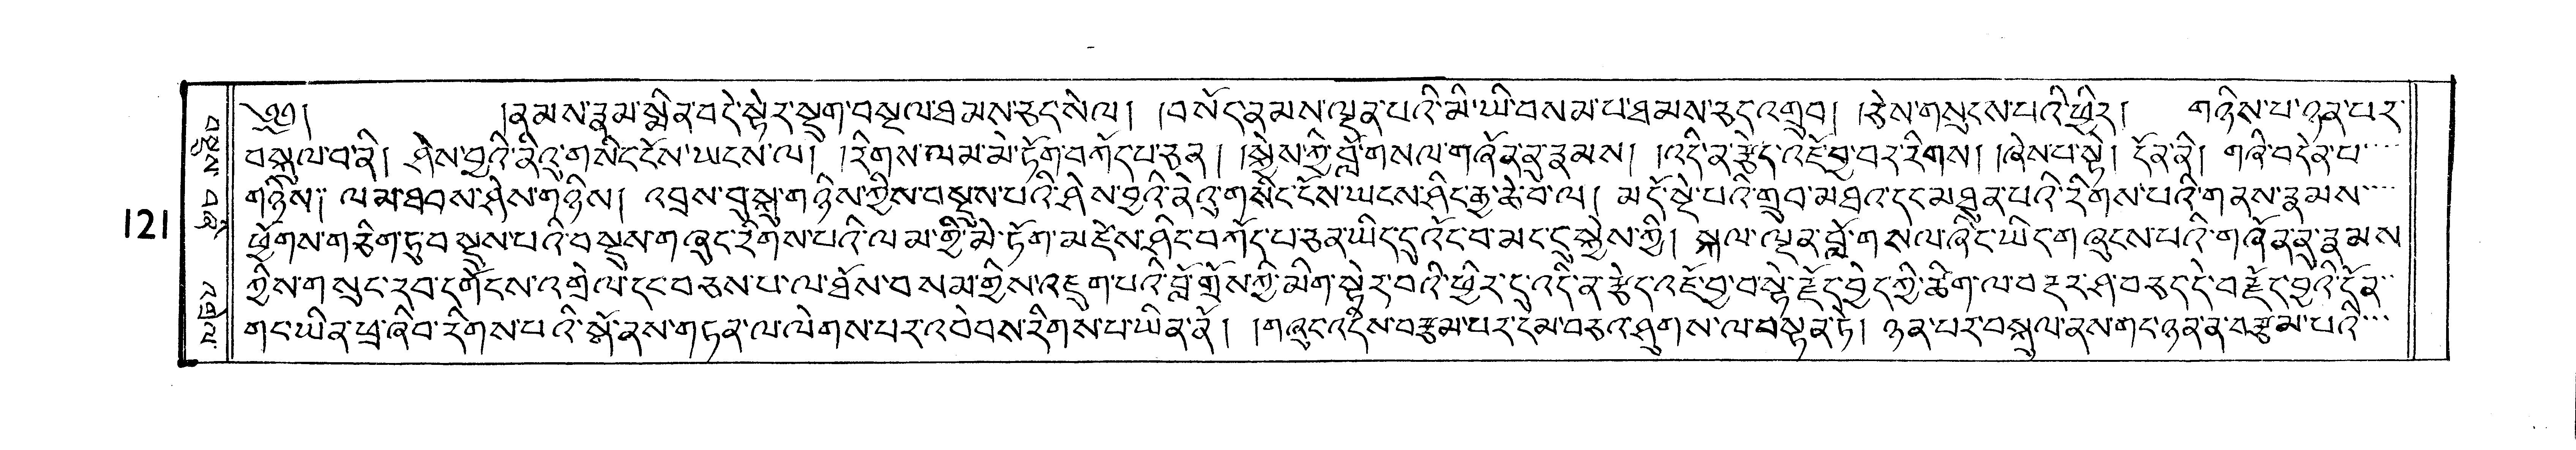༄༅། །ནམས་རྣམ་སྨིན་བདེ་སྟེར་སྡུག་བསྔལ་ཐམས་ཅད་སེལ། །བསོད་ནམས་ལྡན་པའི་མི་ཡི་བསམ་པ་ཐམས་ཅད་འགྲུབ། །ཅེས་གསུངས་པའི་ཕྱིར། གཉིས་པ་ཉན་པར་
བསྐུལ་བ་ནི། ཤེས་བྱའི་ནིའུ་གསིང་ངོས་ཡངས་ལ། །རིགས་ལམ་མེ་ཏོག་བཀོད་པ་ཅན། །སྐྱེས་ཀྱི་བློ་གསལ་གཞོན་ནུ་རྣམས། །འདི་ན་རྩེད་འཇོ་བྱ་བར་རིགས། །ཞེས་པ་སྟེ། །དོན་ནི། གཞི་བདེན་པ་
གཉིས༑ ལམ་ཐབས་ཤེས་གཉིས། འབྲས་བུ་སྐུ་གཉིས་ཀྱིས་བསྡུས་པའི་ཤེས་བྱའི་ནེའུ་གསིང་ངོས་ཡངས་ཤིང་རྒྱ་ཆེ་བ་ལ། མདོ་སྡེ་པའི་གྲུབ་མཐའ་དང་མཐུན་པའི་རིགས་པའི་གནས་རྣམས་
ཕྱོགས་གཅིག་ཏུ་བསྡུས་པའི་བསྡུས་གཞུང་རིགས་པའི་ལམ་གྱི་མེ་ཏོག་མཛེས་ཤིང་བཀོད་པ་ཅན་ཡིད་དུ་འོང་བ་མང་དུ་སྐྱེས་ཀྱི། སྐལ་ལྡན་བློ་གསལ་ཞིང་ཡིད་གཞུངས་པའི་གཞོན་ནུ་རྣམས་
ཀྱིས་གསུང་རབ་དགོངས་འགྲེལ་དང་བཅས་པ་ལ་ཐོས་བསམ་གྱིས་འཇུག་པའི་བློ་གྲོས་ཀྱི་མིག་སྟེར་བའི་ཕྱིར་དུ་འདི་ན་རྩེད་འཇོ་བྱ་བ་སྟེ་རྗོད་བྱེད་ཀྱི་ཚིག་ལ་བརྡར་ཤ་བཅད་དེ་བརྗོད་བྱའི་དོན་
གང་ཡིན་ཕྲ་ཞིབ་རིགས་པའི་སྒོ་ནས་གཏན་ལ་ལེགས་པར་འབེབས་རིགས་པ་ཡིན་ནོ། །གཞུང་འདིས་བརྩམས་པར་དམ་བཅའ་ཤུགས་ལ་བསྟན་ཏེ། ཉན་པར་བསྐུལ་ནས་གང་ཉན་ན་བརྩམ་པའི་